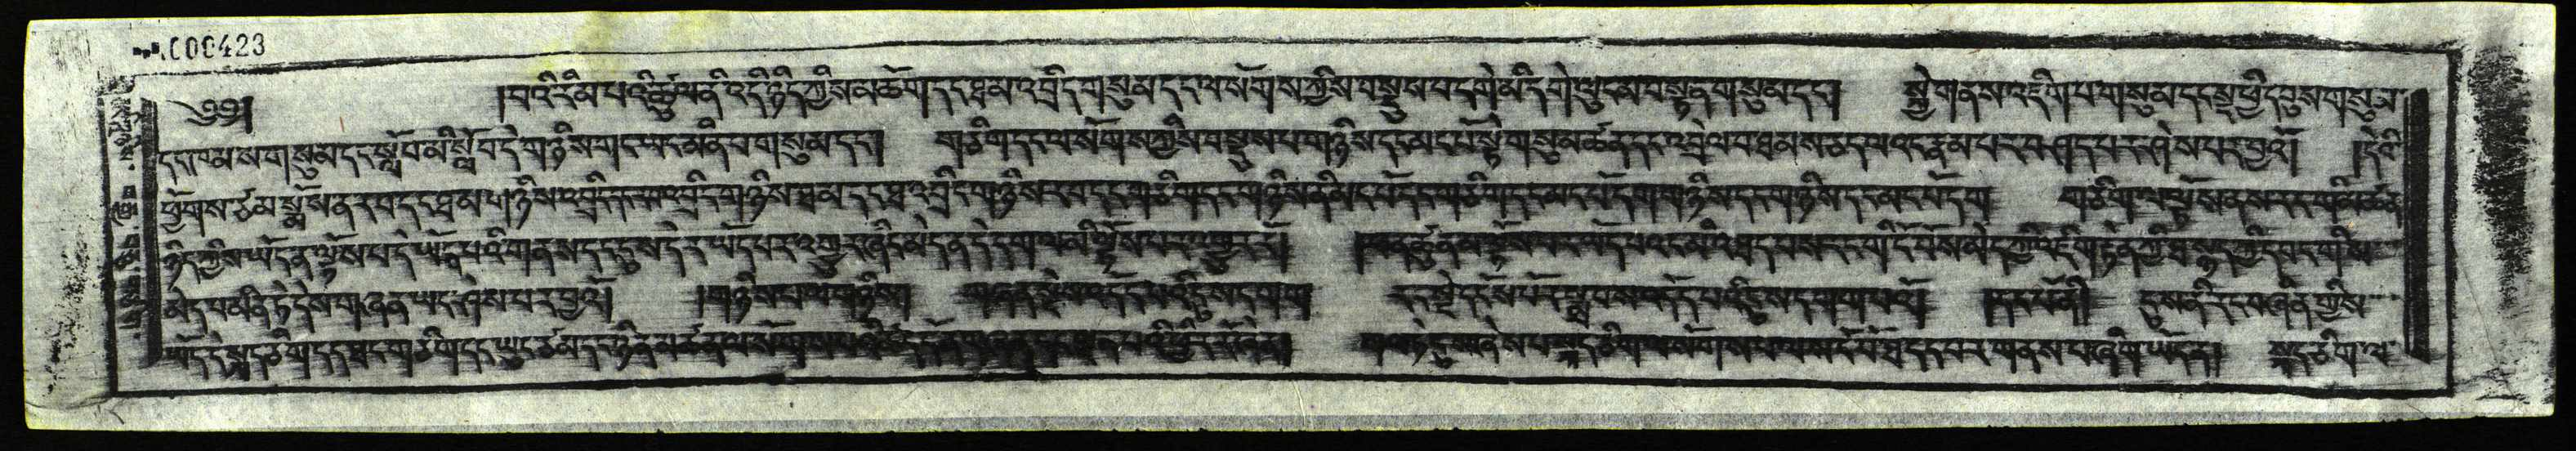༄༅། །བའི་རིམ་པའི་ཚུལ་ནི་འདི་ཉིད་ཀྱིས་མཆོག་དང་ཐ་མ་འབྲིད་གསུམ་དང་ལ་སོགས་ཀྱིས་བསྡུས་པ་དགེ་མི་དགེ་ལུང་མ་བསྟན་གསུམ་དང་། སྐྱེ་གནས་འཇིག་པ་གསུམ་དང་སྔ་ཕྱི་དབུས་གསུམ་
དང་ཁམས་གསུམ་དང་སློབ་མི་སློབ་དེ་གཉིས་གང་ཡང་མིན་པ་གསུམ་དང་། གཅིག་དང་ལ་སོགས་ཀྱིས་བསྡུས་པ་གཉིས་དང་མང་པོ་སྟེ་གསུམ་ཚན་དང་འབྲེལ་བ་ཐམས་ཅད་ལའང་རྣམ་པར་བཤད་པར་ཤེས་པར་བྱའོ། །དེའི་
ཕྱོགས་ཙམ་སྨོས་ན་རབ་དང་ཐ་མ་གཉིས་འབྲིང་དང་རབ་འབྲིང་གཉིས་ཐ་མ་དང་ཐ་འབྲིང་གཉིས་རབ་དང་གཅིག་དང་གཉིས་ནི་མང་པོ་དང་གཅིག་དང་མང་པོ་དག་གཉིས་དང་གཉིས་དང་མང་པོ་དག་གཅིག་ལ་ལྟོས་ནས་རང་གི་མཚན་
ཉིད་ཀྱིས་ཡོད་ན་ལྟོས་པ་དེ་ཡོད་པའི་གནས་དང་དུས་དེར་ཡོད་པར་འགྱུར་ཞིང་མེད་ན་དེ་དག་ལ་མི་ལྟོས་པར་འགྱུར་རོ། །ཕན་ཚུན་མ་ལྟོས་པར་ཡོད་པའང་མི་འཐད་པས་རང་གི་ངོ་བོས་མེད་ཀྱི་འཇིག་རྟེན་ཀྱི་ཐ་སྙད་ཀྱི་དབང་གིས་
མེད་པ་མིན་ཏེ་དེས་གཞན་ཡང་ཤེས་པར་བྱའོ། །གཉིས་པ་ལ་གཉིས། གཞན་སྡེ་བ་འདོད་པའི་དུས་དགག་རང་སྡེ་དངོས་པོར་སྨྲ་བས་འདོད་པའི་དུས་དགག་པའོ། །དང་པོ་ནི། དུས་ནི་རང་བཞིན་གྱིས་
ཡོད་དེ་སྐད་ཅིག་དད་ཐང་གཅིག་དང་ཡུད་ཙམ་དང་ཉིན་མཚན་ལ་སོགས་པའི་ཚད་དོན་གཞན་དང་ལྡན་པའི་ཕྱིར་རོ་ཞེ་ན། གལ་ཏེ་དུས་ཞེས་པ་སྐད་ཅིག་ལ་སོགས་པ་ལས་ངོ་བོ་ཐ་དད་པར་གནས་པ་ཞིག་ཡོད་ན། སྐད་ཅིག་ལ་